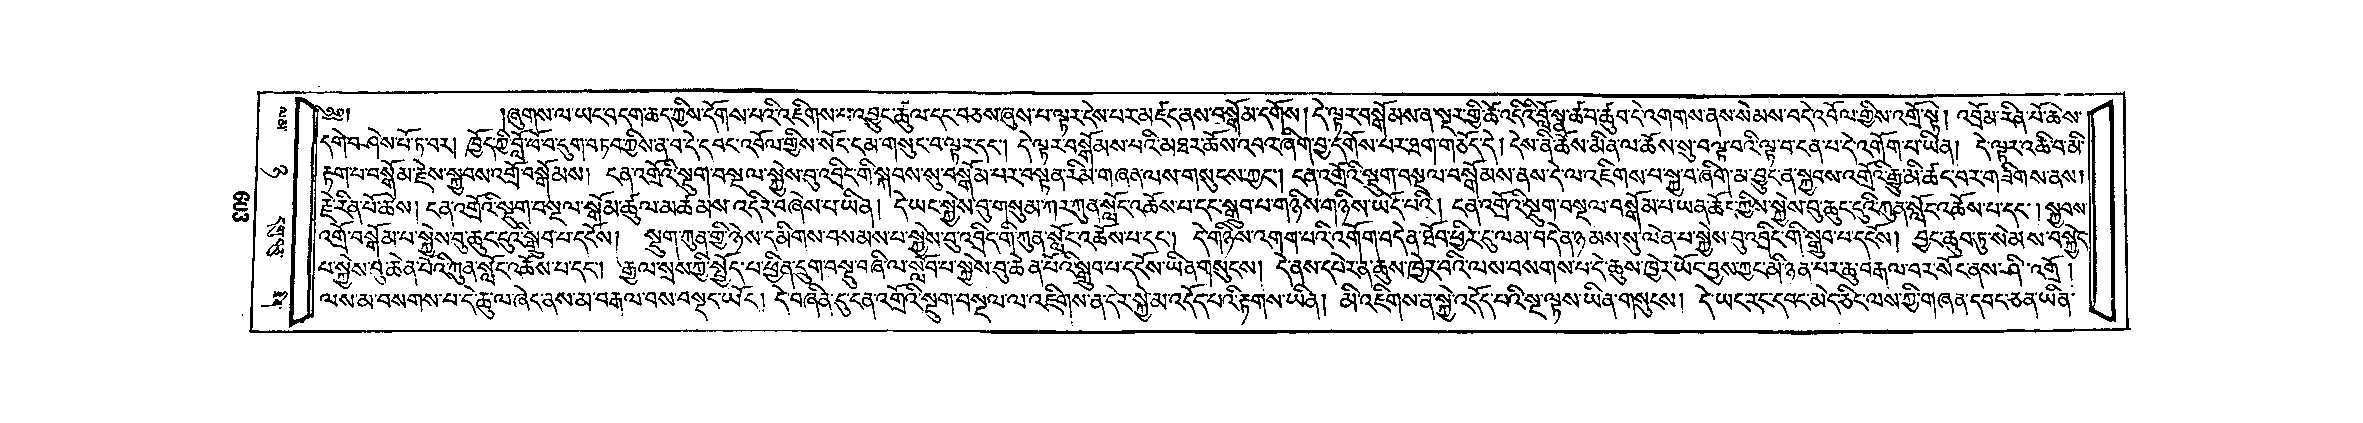༄༅། །ཞུགས་ལ་ཡང་བདག་ཆད་ཀྱིས་དོགས་པའི་འཇིགས་པ་འབྱུང་ཚུལ་དང་བཅས་ཞུས་པ་ལྟར་ངེས་པར་མཛད་ནས་བསྒོམ་དགོས། དེ་ལྟར་བསྒོམས་ན་སྔར་གྱི་ཚེ་འདིའི་བློ་སྣ་ཚབ་ཚུབ་དེ་འགགས་ནས་སེམས་བདེ་འབོལ་གྱིས་འགྲོ་སྟེ། འབྲོམ་རིན་པོ་ཆེས་
དགེ་བཤེས་པོ་ཏ་བར། ཁྱོད་ཀྱི་བློ་ཕོ་བ་དུག་བཏབ་ཀྱིས་ན་བ་དེ་དབང་འབོལ་གྱིས་སོང་དམ་གསུང་བ་ལྟར་དང་། དེ་ལྟར་བསྒོམས་པའི་མཐར་ཆོས་འབའ་ཞིག་བྱ་དགོས་པར་ཐག་གཅོད་དེ། དེས་ནི་ཆོས་མིན་ལ་ཆོས་སུ་བལྟ་བའི་ལྟ་བ་ངན་པ་དེ་འགོག་པ་ཡིན། དེ་ལྟར་འཆི་བ་མི་
རྟག་པ་བསྒོམ་རྗེས་སྐྱབས་འགྲོ་བསྒོམས། ངན་འགྲོའི་སྡུག་བསྔལ་སྐྱེས་བུ་འབྲིང་གི་སྐབས་སུ་བསྒོམ་པར་བསྟན་རིམ་གཞན་ལས་གསུངས་ཀྱང་། ངན་འགྲོའི་སྡུག་བསྔལ་བསྒོམས་ནས་དེ་ལ་འཇིགས་པ་སྐྱ་བ་ཞིག་མ་བྱུང་ན་སྐྱབས་འགྲོའི་རྒྱུ་མི་ཚང་བར་གཟིགས་ནས།
རྗེ་རིན་པོ་ཆེས། ངན་འགྲོའི་སྡུག་བསྔལ་སྒོམ་ཚུལ་མཚམས་འདིར་བཞེས་པ་ཡིན། དེ་ཡང་སྐྱེས་བུ་གསུམ་ཀར་ཀུན་སློང་འཆོས་པ་དང་སྒྲུབ་པ་གཉིས་གཉིས་ཡོད་པའི། ངན་འགྲོའི་སྡུག་བསྔལ་བསྒོམ་པ་ཡན་ཆོད་ཀྱིས་སྐྱེས་བུ་ཆུང་ངུའི་ཀུན་སློང་འཆོས་པ་དང་། སྐྱབས་
འགྲོ་བསྒོམ་པ་སྐྱེས་བུ་ཆུང་ངུའི་སྒྲུབ་པ་དངོས། སྡུག་ཀུན་གྱི་ཉེས་དམིགས་བསམས་པ་སྐྱེས་བུ་འབྲིད་གི་ཀུན་སློང་འཆོས་པ་དང་། དེ་གཉིས་འགག་པའི་འགོག་བདེན་ཐོབ་ཕྱིར་དུ་ལམ་བདེན་ཉམས་སུ་ལེན་པ་སྐྱེས་བུ་འབྲིང་གི་སྒྲུབ་པ་དགོས། བྱང་ཆུབ་ཏུ་སེམས་བསྐྱེད་པ་སྐྱེས་བུ་ཆེན་པོའི་ཀུན་སློང་འཆོས་པ་དང་། རྒྱལ་སྲས་ཀྱི་སྤྱོད་པ་ཕྱིན་དྲུག་བསྡུ་བཞི་ལ་སློབ་པ་སྐྱེས་བུ་ཆེན་པོའི་སྒྲུབ་པ་དངོས་ཡིན་གསུངས། དེ་ནས་དཔེར་ན་ཆུས་ཁྱེར་བའི་ལས་བསགས་པ་དེ་ཆུས་ཁྱེར་ཡོང་བྱས་ཀྱང་མི་ཉན་པར་ཆུ་བརྒལ་བར་སོང་ནས་ཤི་འགྲོ་།
ལས་མ་བསགས་པ་དེ་ཆུ་ལ་ཞེད་ནས་མ་བརྒལ་བས་བསྡད་ཡོང་། དེ་བཞིན་དུ་ངན་འགྲོའི་སྡུག་བསྔལ་ལ་འཇིགས་ན་དེར་སྐྱེ་མ་འདོད་པའི་རྟགས་ཡིན། མི་འཇིགས་ན་སྐྱེ་འདོད་པའི་སྔ་ལྟས་ཡིན་གསུངས། དེ་ཡང་རང་དབང་མེད་ཅིང་ལས་ཀྱི་གཞན་དབང་ཅན་ཡིན་